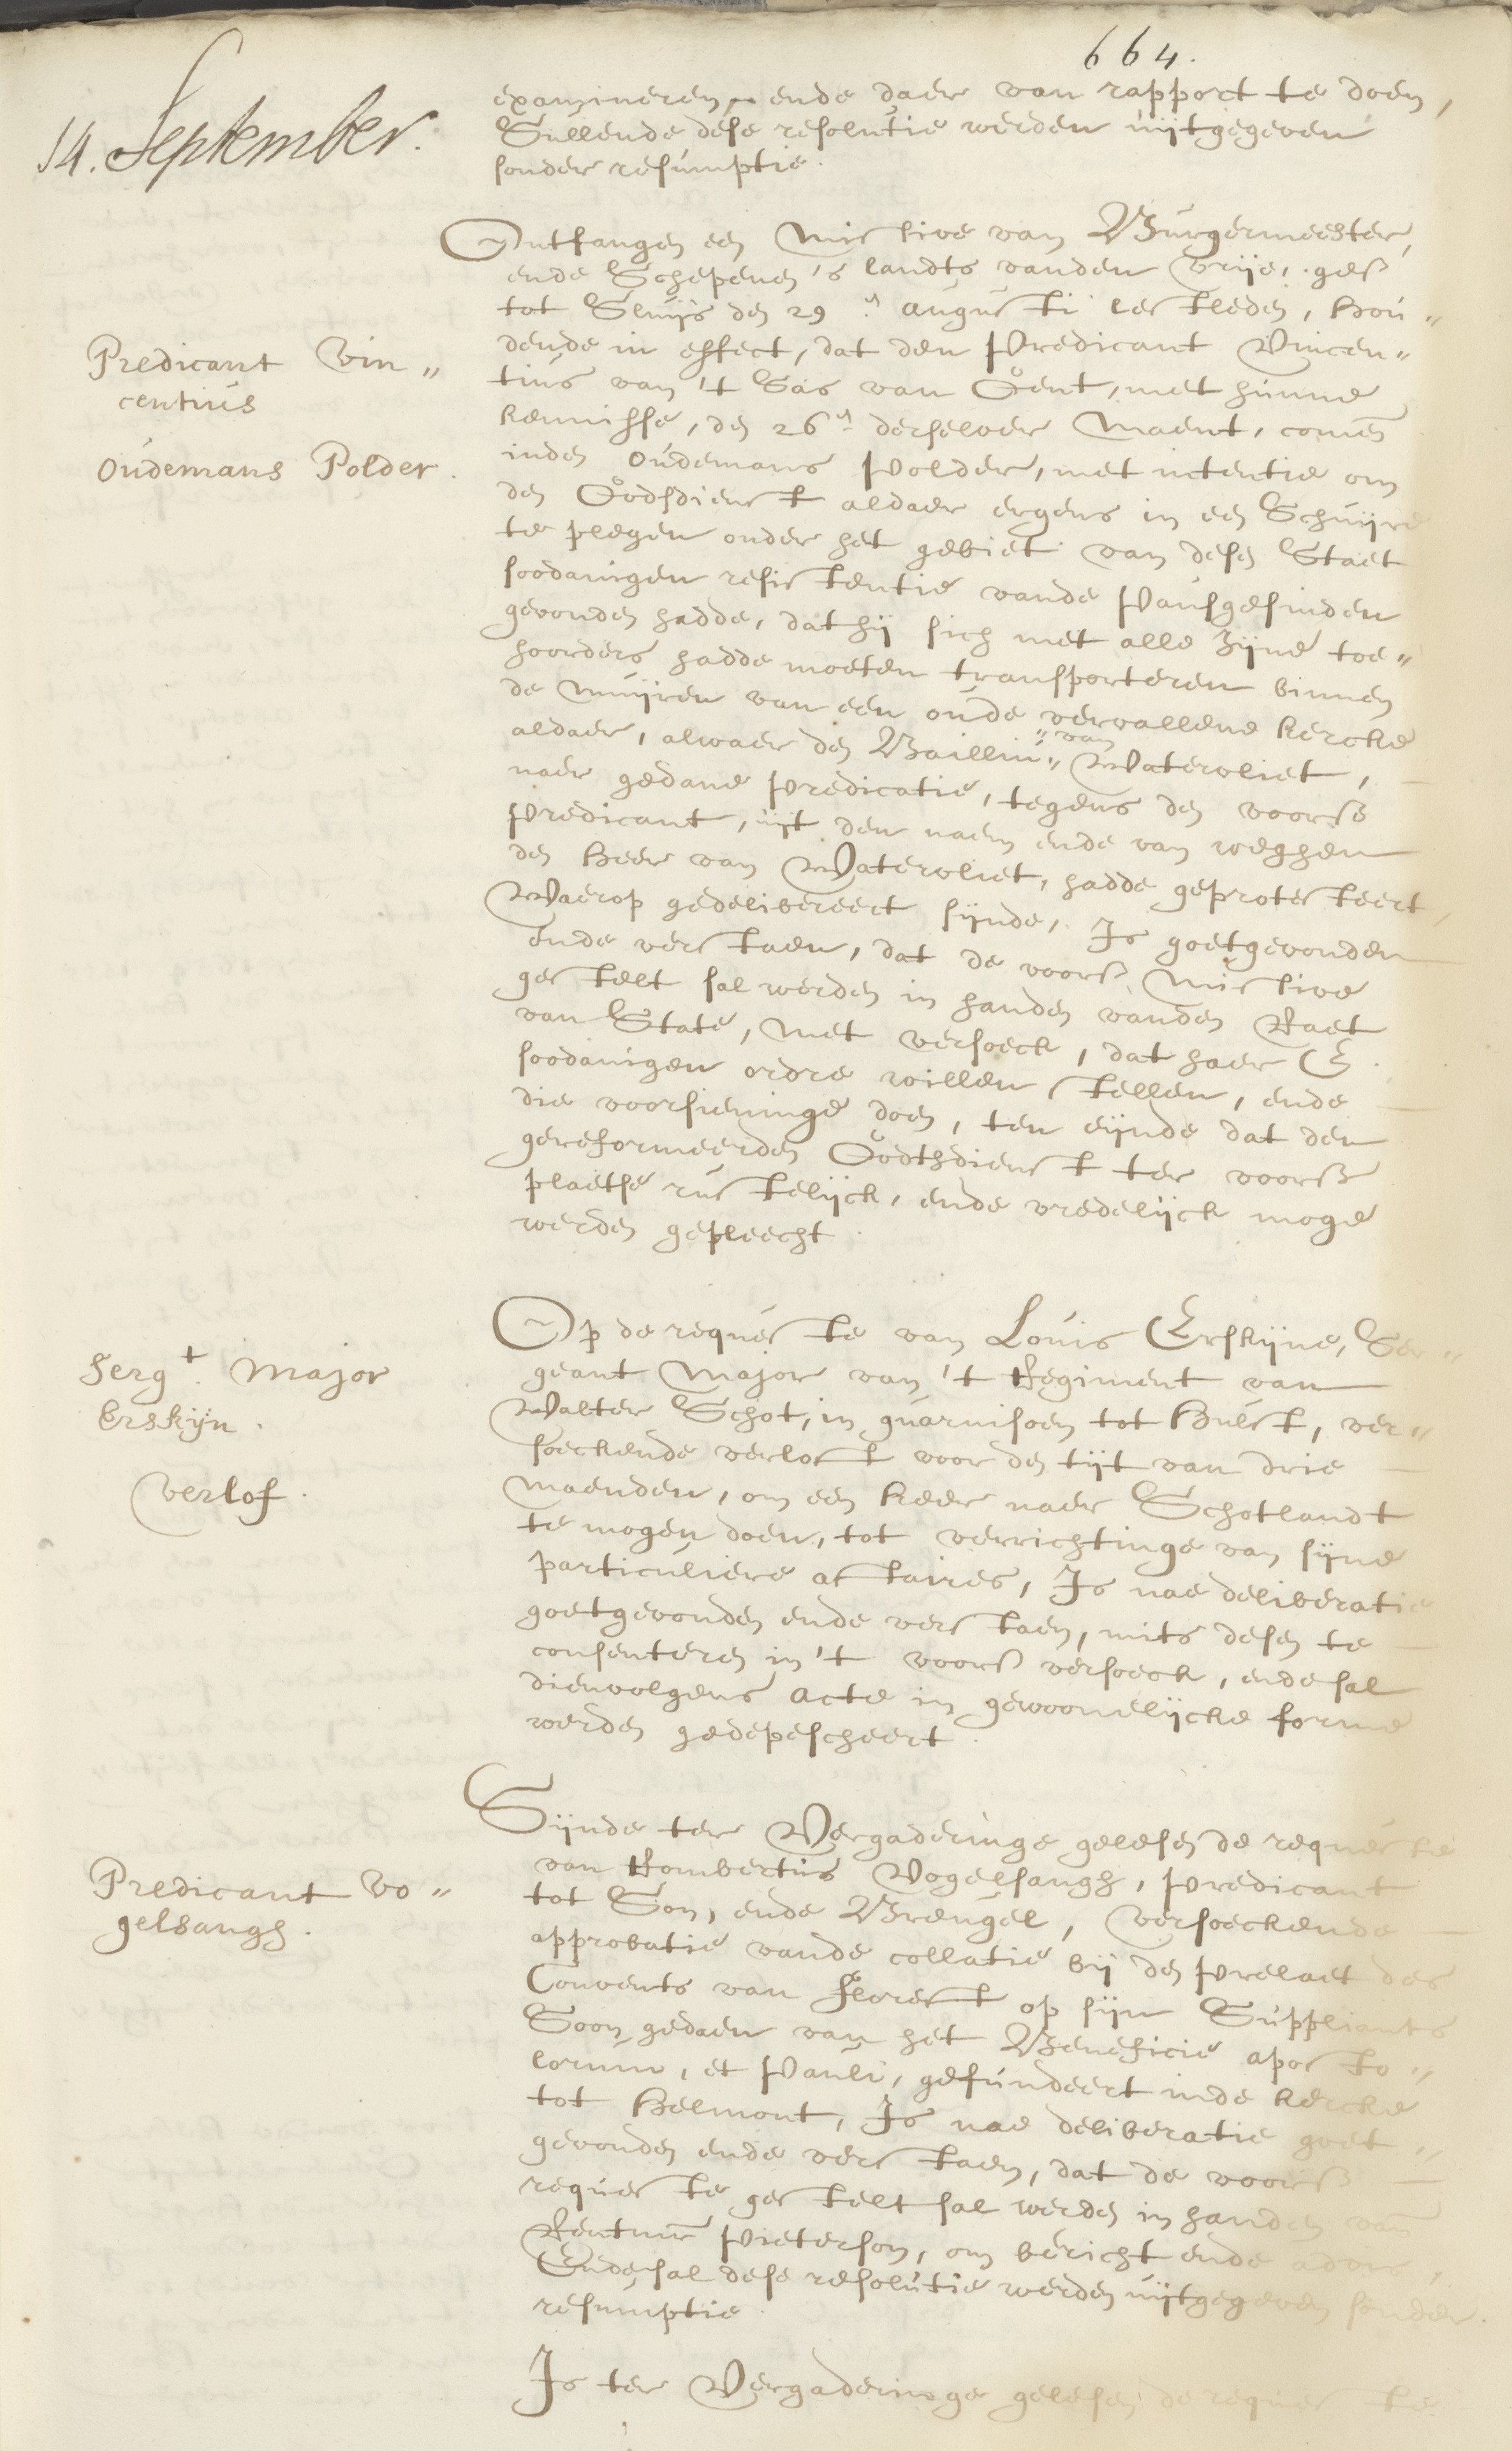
664.
14. September.
examineren, ende daer van rapport te doen.
Sullende dese resolutie werden uijtgegeven
sonder resumptie.
Predicant vin„
centius
oudemans Polder
Ontfangen een missive van Burgermeester
ende Schepenen 's landts vanden vrije, ges
tot Sluijs den 29en augusti lestleden, hou„
dende in effect, dat den Predicant Vincen„
tius van 't Sas van Gent, met hunne
kennisse, den 26en derselver maent, comen
inden oudemans Polder, met intentie om
den Godsdienst aldaer ergens in een Schuijr
te plegen onder het gebiet van desen Staet
soodanigen resistentie vande Pausgesinden
gevonden hadde, dat sij sich met alle zijne toe„
hoorders hadde moeten transporteren binnen
de muijren van een oude vervallene kercke
,, van
aldaer, alwaer den Bailliu,, Watervliet,
naer gedane predicatie, tegens den voors
predicant, uijt den naem ende van weghen
den heer van Watervliet, hadde geprotesteert.
Waerop gedelibereert sijnde, Is goetgevonden
ende verstaen, dat de voors missive
gestelt sal worden in handen vanden Raet
van State, met versoeck, dat haer E
soodanigen ordre willen stellen, ende
die voorsieninge doen, ten eijnde dat den
gereformeerden Godtsdienst ter voors
plaetse rustelijck, ende vredelijck moge
werden gepleecht
Sergt. Major
Erskijn
verlof
Op de requeste van Louis Erskijne, Se,r,
geant major van ‛t Regiment van
Walter Schot, in guarnisoen tot Hulst, ver„
soeckende verloff voorden tijt van drie
maenden, om een keer naer Schotlandt
te mogen doen, tot verrichtinge van sijne
particuliere affaires, Is nae deliberatie
goetgevonden ende verstaen, mits desen te
consenteren in t voors versoeck, ende sal
dienvolgens acte in gewoonelijcke forme
worden gedepescheert
Predicant vo„
gelsangh
Sijnde ter Vergaderinge gelesen de requeste
van Rombertus Vogelsangh, predicant
tot Son, ende Brengel, versoeckende
approbatie vande collatie bij des prelaet des
Convents van Floreff op sijn suppliants
Soon gedaen van het Beneficie aposto„
lorium, et Pauli, gefundeert inde kercke
tot Helmont, Is nae deliberatie goet„
gevonden ende verstaen, dat de voors
requeste gestelt sal werden in handen van
Rentmr Pieterson, om bericht ende advis,
Ende sal dese resolutie werden uijtgegeven sonder
resumptie.
Is ter vergaderige gelesen de requeste
